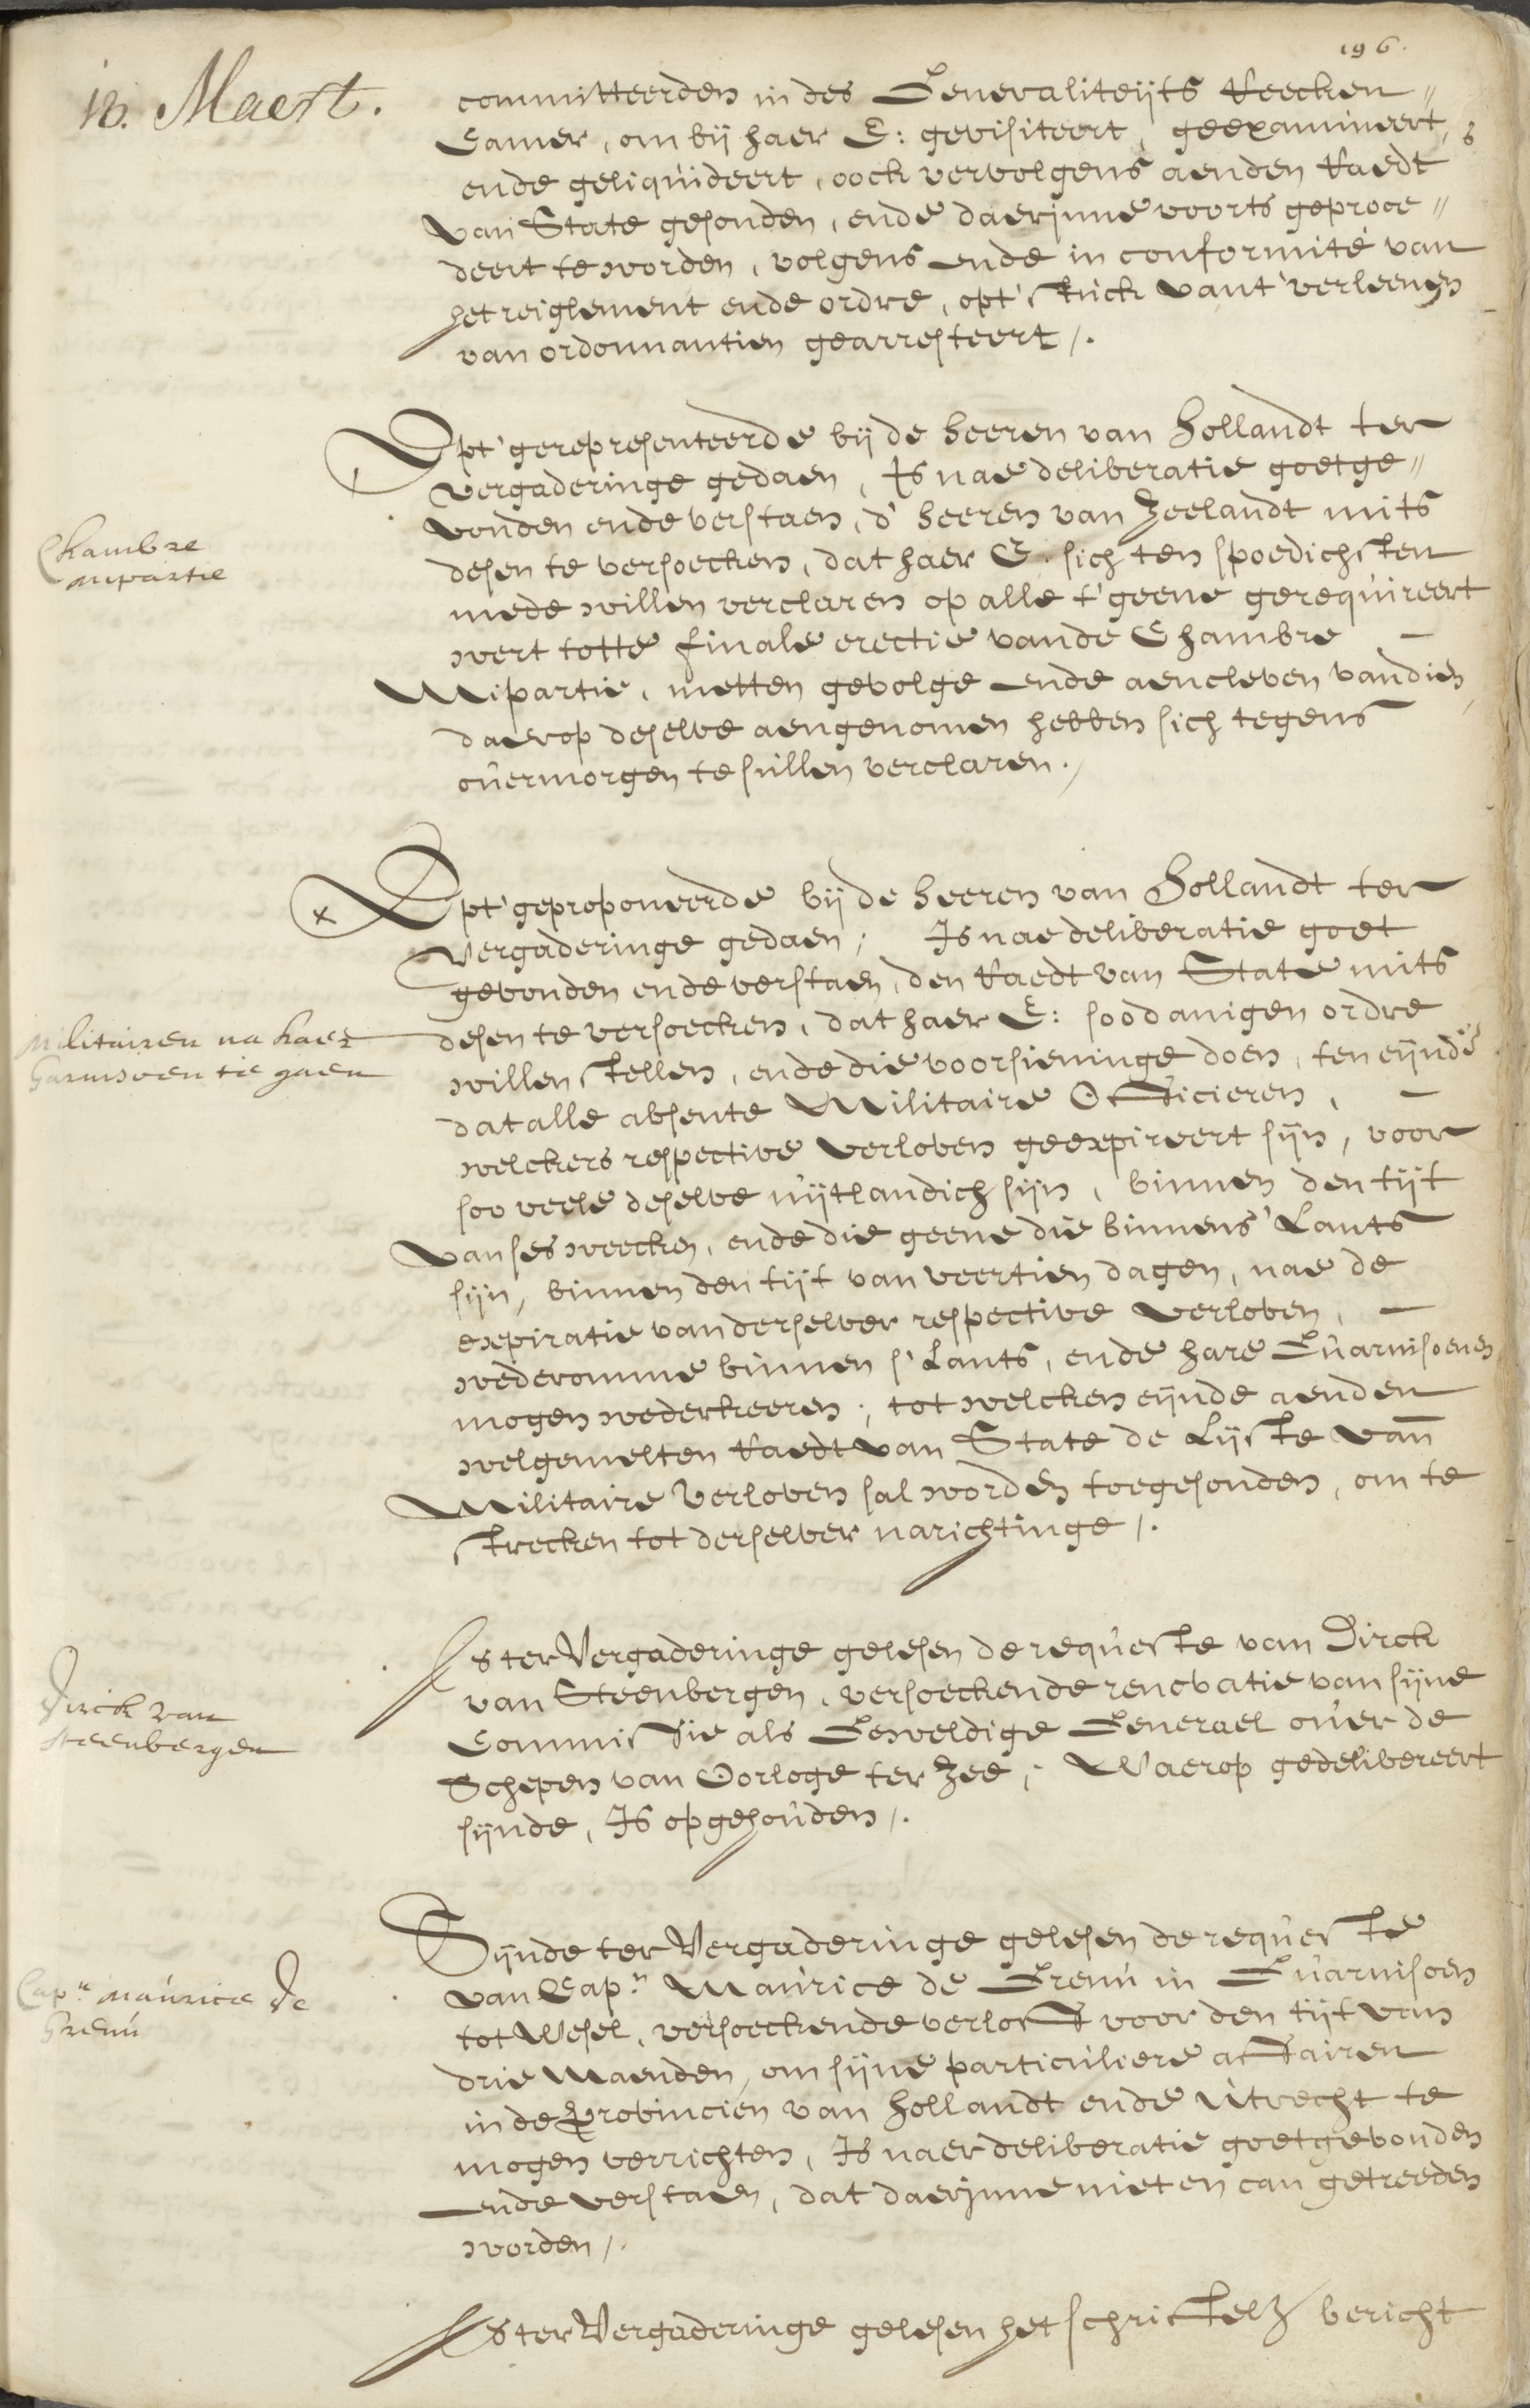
196.
16. Maert.
committeerden in des Generaliteijts Reecken„
Camer, om bij haer E: gevisiteert, geexamineert,
ende geliquideert, oock vervolgens aenden Raedt
van State gesonden, ende daerinne voorts geproce„
deert te worden, volgens ende in conformité van
het reiglement ende ordre, opt‛ stuck vant‛ verleenen
van ordonnantien gearresteert.
Chambre
mipartie
Opt‛ gerepresenteerde bij de heeren van Hollandt ter
vergaderinge gedaen, Is nae deliberatie goetge„
vonden ende verstaen, d‛ heeren van Zeelandt mits
desen te versoecken, dat haer E. sich ten spoedichsten
mede willen verclaren op alle t‛geene gerequireert
wert totte finale erectie vande Chambre
Mipartie, metten gevolge ende aencleven vandien
daerop deselve aengenomen hebben sich tegens
ouermorgen te sullen verclaren.
Militairen na haer
Garnisoen te gaen
Opt‛ geproponeerde bij de heeren van Hollandt ter
Vergaderinge gedaen; Is nae deliberatie goet
gevonden ende verstaen, den Raedt van State mits
desen te versoecken, dat haer E: soodanigen ordre
willen stellen, ende die voorsieninge doen ten eijnde
dat alle absente Militaire Officieren,
welckers respective verloven geexpireert sijn, voor
soo veele deselve uijtlandich sijn, binnen den tijt
van ses weecken, ende die geene die binnens‛ Lants
sijn, binnen den tijt van veertien dagen, nae de
expiratie van derselver respective verloven,
wederomme binnen s‛ Lants, ende hare Guarnisoenen
mogen wederkeeren; tot welcken eijnde aenden
welgemelten Raedt van State de Lijste van
Militaire verloven sal worden toegesonden, om te
strecken tot derselver narichtinge.
Dirck van
Steenbergen
Is ter Vergaderinge gelesen de requeste van Dirck
van Steenbergen, versoeckende renovatie van sijne
Commissie als Geweldige Generael ouer de
Schepen van Oorloge ter Zee; Waerop gedelibereert
sijnde, Is opgehouden.
Capn. maurice de
Grenu
Sijnde ter Vergaderinge gelesen de requeste
van Capn. Maurice de Grenu in Guarnisoen
tot Wesel, versoeckende verloff voor den tijt van
drie Maenden, om sijne particuliere affairen
in de Provincien van hollandt ende Utrecht te
mogen verrichten, Is naer deliberatie goetgevonden
ende verstaen, dat daerinne niet en can getreeden
worden.
Is ter Vergaderinge gelesen het schriftel. bericht
